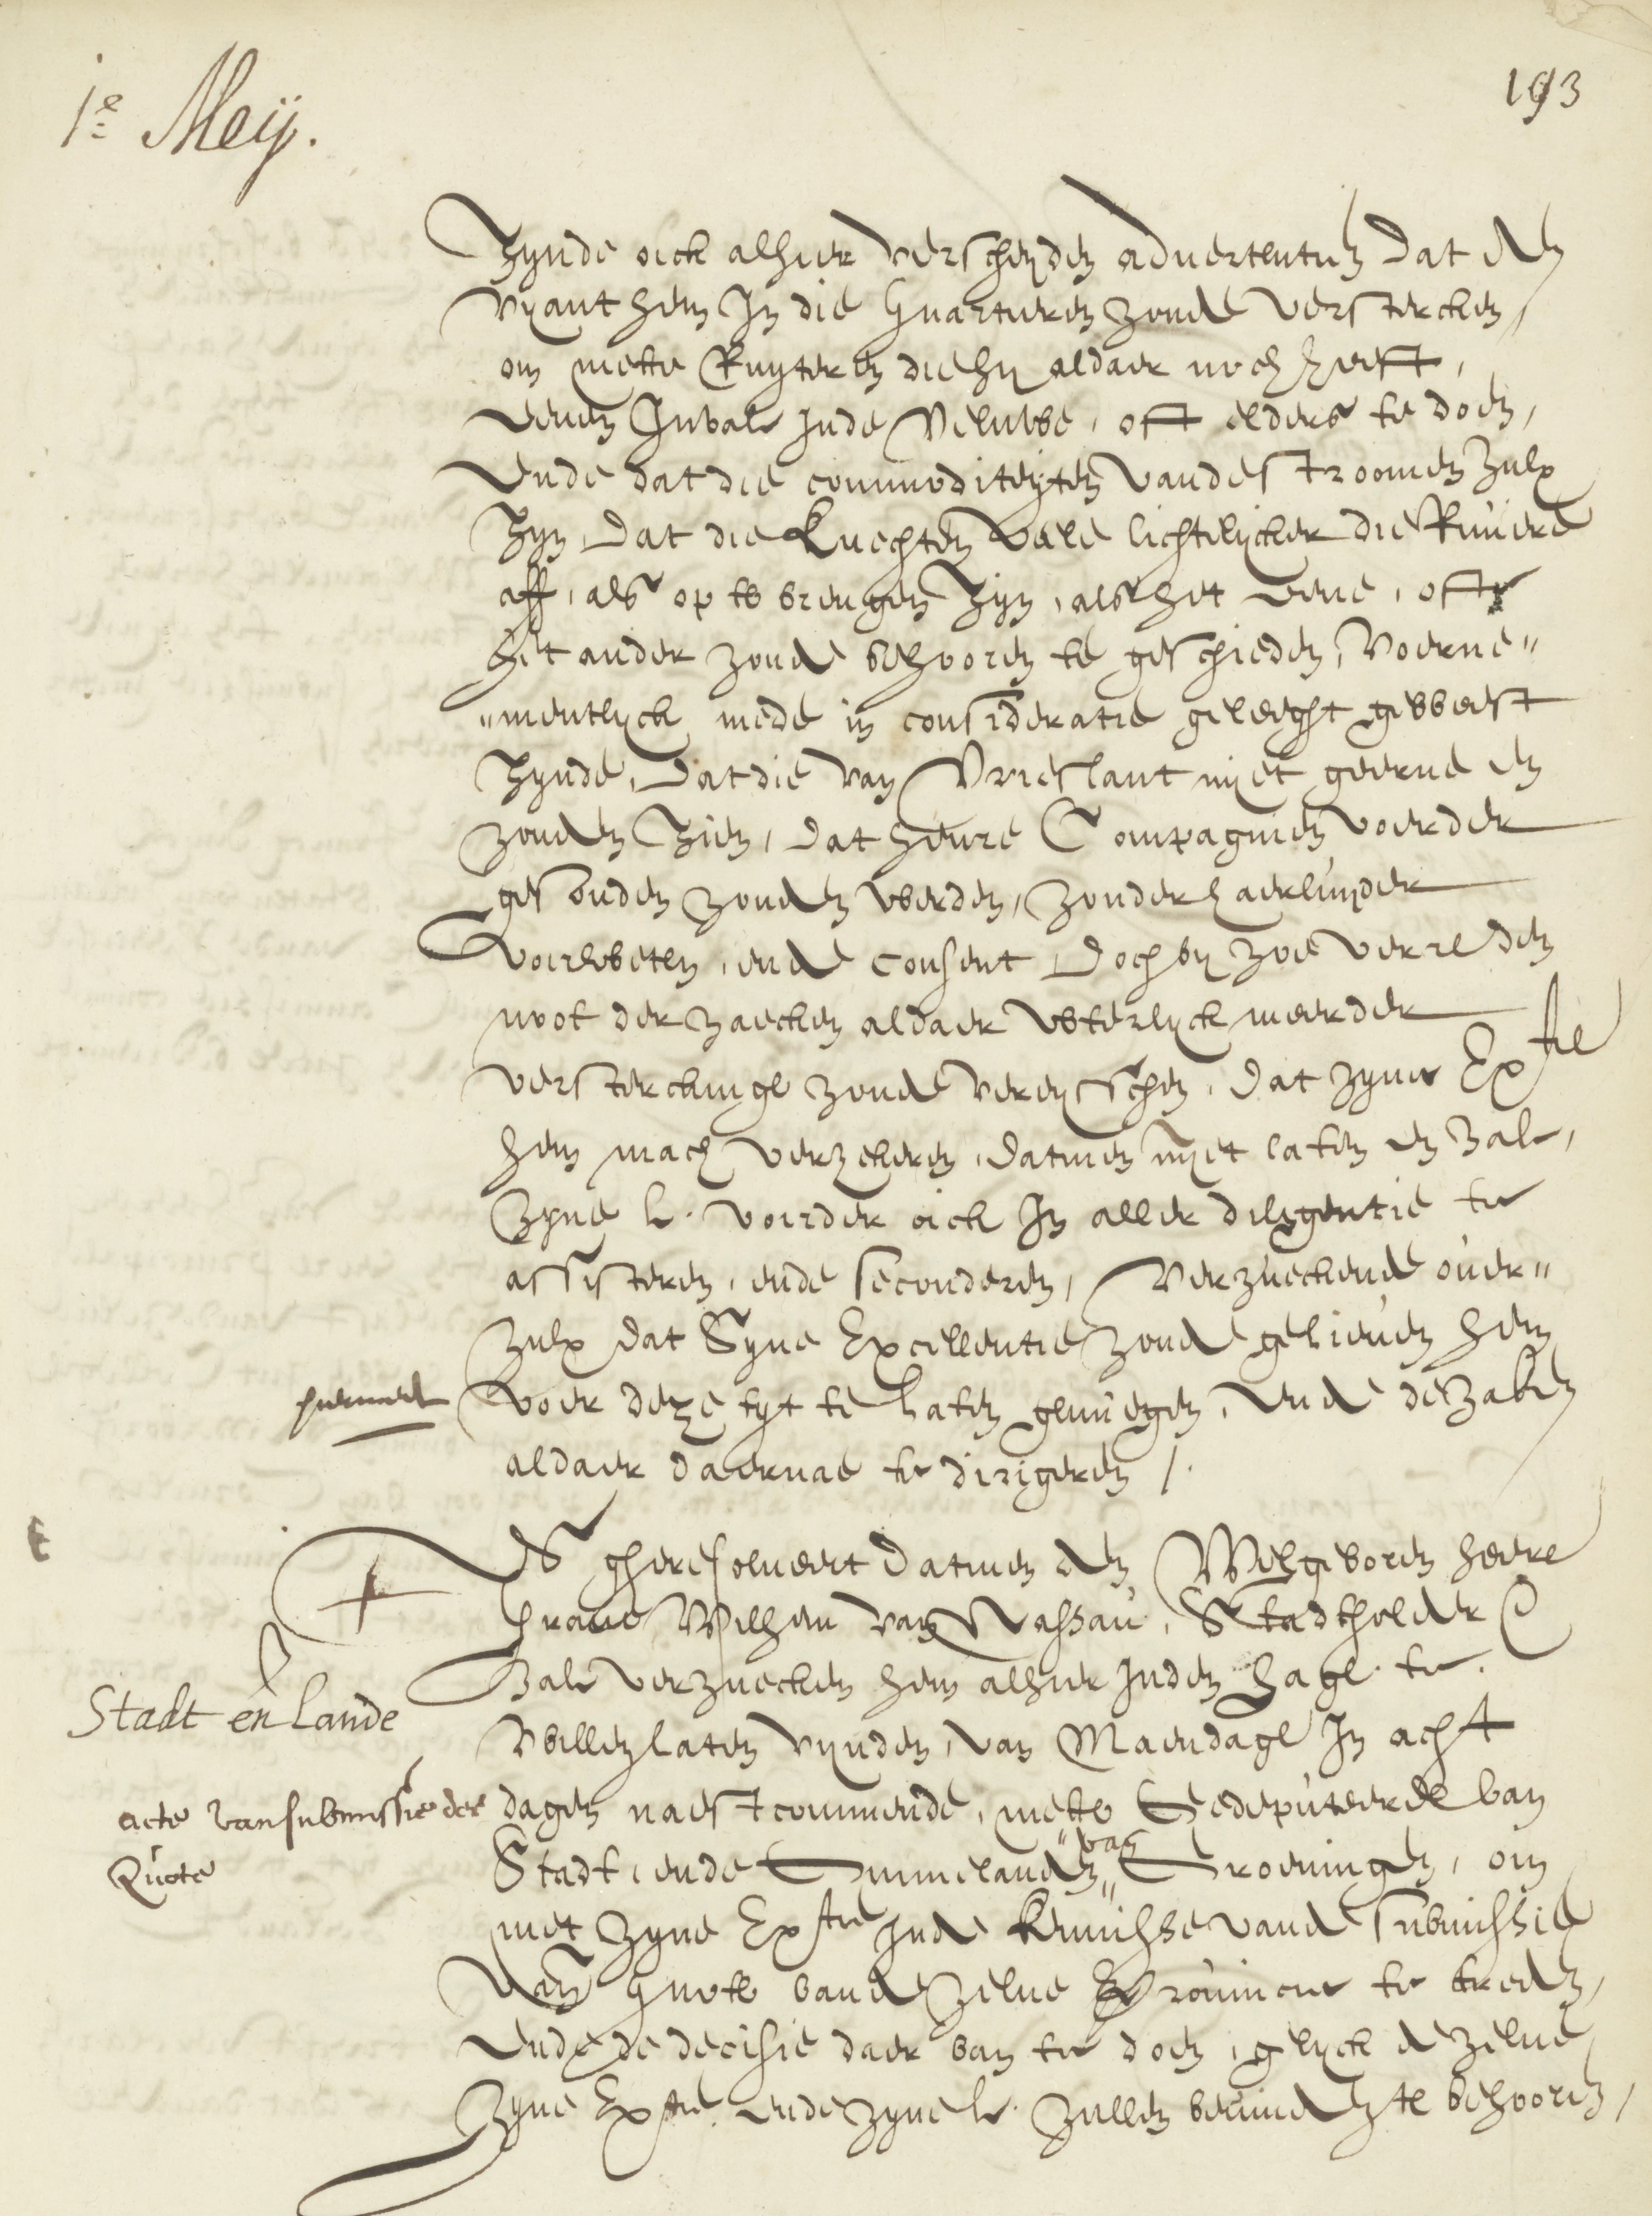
193
1e Meij.
zynde oick alhier verscheyden aduertentien dat den
vyant hem in die quartieren zoude verstercken,
om mette Ruyteren die hy aldaer noch heeft,
eenen Inval inde Veluwe, off elders te doen,
ende dat die commoditeijten vande stroomen zulx
zyn, dat die Knechten vele lichtelijcker die Riuiere
aff, als op te brengen zijn, als het eene, ofte
het ander zoude behooren te geschieden, voerne„
„mentlyck mede in consideratie geleeght geweest
zynde, dat die van Vrieslant nijet geerne en
zouden zien, dat heure Compagnien voerder
gesonden zouden werden, zonder haerluyder
voirweten, ende consent, doch by zoeverre den
noot der zaecken aldaer wterlyck meerder
verstreckinge zoude vereysschen, dat zyne Extie
hem mach verzekeren, datmen nyet laten en zal,
zyne L. voirder oick In aller diligentie te
assisteren, ende seconderen, verzueckende ouer„
zulx dat Syne Excellentie zoude gelieuen hem
hiermede
voer deze tyt te laten genuegen, ende de zaken
aldaer daernae te dirigeren.
Stadt en Lande
acte van submissie der
Quote
Is gheresolueert datmen den Welgeboren heere
Grave Wilhem van Nassau, Stadtholder ©
zal verzuecken hem alhier Inden Hage te
te willen laten vynden, van Maendage in acht
dagen naestcommende, mette Gedeputeerde van
Stadt, ende Ommelanden van Groeningen, om
met Zyne Extie inde kennisse vande submissie
van quote van de zelue Prouincie te treden,
ende de decisie daer van te doen, gelyck dezelue
Zyne Extie ende zyne L. zullen beuinden te behooren
